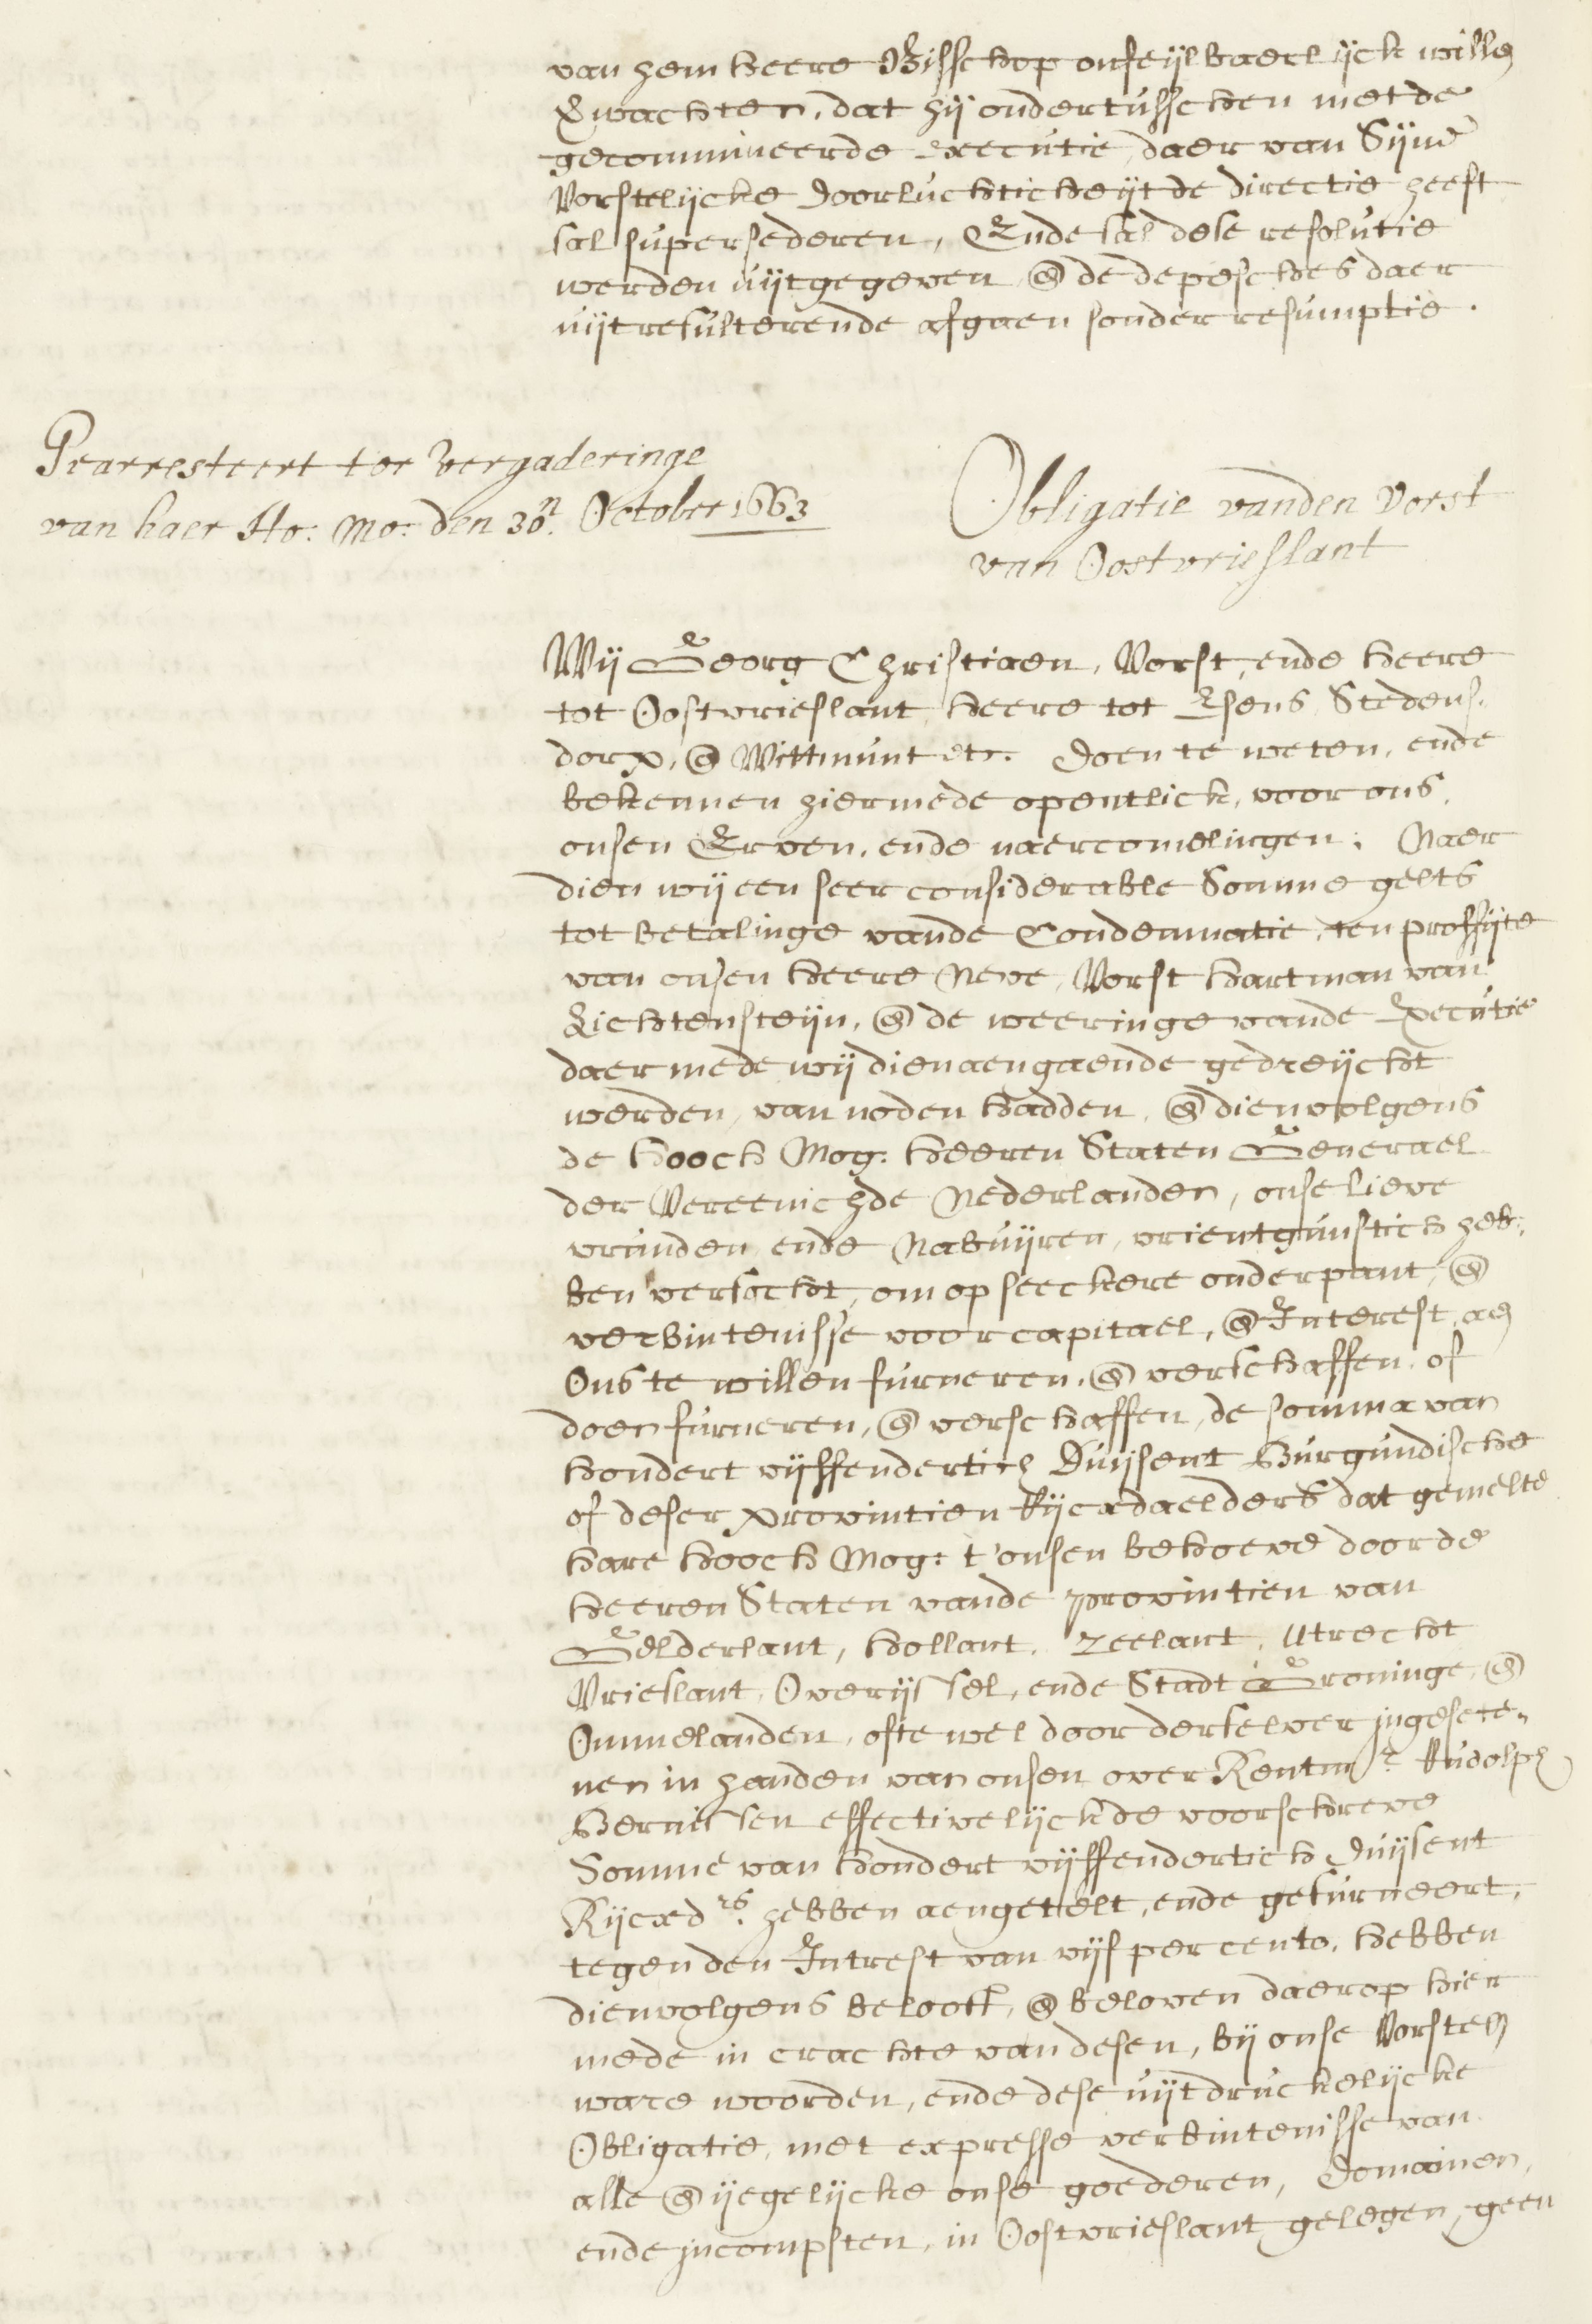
van hem heere Bisschop onfeijlbaerlijck willen
vwachten, dat hij ondertusschen met de
gecommineerde executie, daer van Sijne
Vorstelijcke doorluchticheijt de directie heeft
sal supersederen, Ende sal dese resolutie
werden uijtgegeven, & de depesches daer
uijt resulterende afgaen sonder resumptie.
Obligatie vanden Vorst
van Oostvrieslant
Gearresteert tot Vergaderinge
van haer Ho:Mo: den 30n. October 1663
Wij Georg Christiaen, Vorst, ende heere
tot Oostvrieslant, heere tot Esens, Stedens„
dorp, & Wittmunt etc. Doen te weten, ende
bekennen hiermede opentlick, voor ons,
onsen Erven, ende naercomelingen; Naer
dien wij een seer considerable Somme gelts
tot betalinge vande Condemnatie, ten proffijte
van onsen heere neve, Vorst Hartman van
Lichtensteijn, & de weeringe vande Executie
daer mede wij dienaengaende gedreijcht
werden, van noden hadden, & dienvolgens
de Hooch Mog: heeren Staten Generael
der Vereenichde Nederlanden, onse lieve
vrunden ende nabuijren, vrientgunstich heb„
ben versocht om op seeckere onderpant, &
verbintenisse voor capitael, & Interest aen
ons te willen furneren, & verschaffen. of
doen furneren, & verschaffen, de somma van
hondert vijffendertich Duijsent Burgundische
of deser provintien Rijcxdaelders dat gemelte
hare Hooch Mog: t'onsen behoeve door de
heeren Staten vande provintien van
Gelderlant, Hollant, Zeelant, Utrecht
Vrieslant, Overijssel, ende Stadt Groninge, &
Ommelanden, ofte wel door derselver ingesete,,
nen in handen van onsen over Rentmr. Rudolph
Bernissen effectivelijck de voorschreve
Somme van hondert vijffendertich Duijsent
Rijcxdrs. hebben aengetelt, ende gefurneert,
tegen den Intrest van vijf percento, hebben
dienvolgens belooft, & beloven daerop hier
mede in crachte van desen, bij onse Vorstel
ware woorden, ende dese uijtdruckelijcke
Obligatie, met expresse verbintenisse van
alle & ijegelijcke onse goederen, Domainen,
ende incompsten, in Oostvrieslant gelegen, geen
